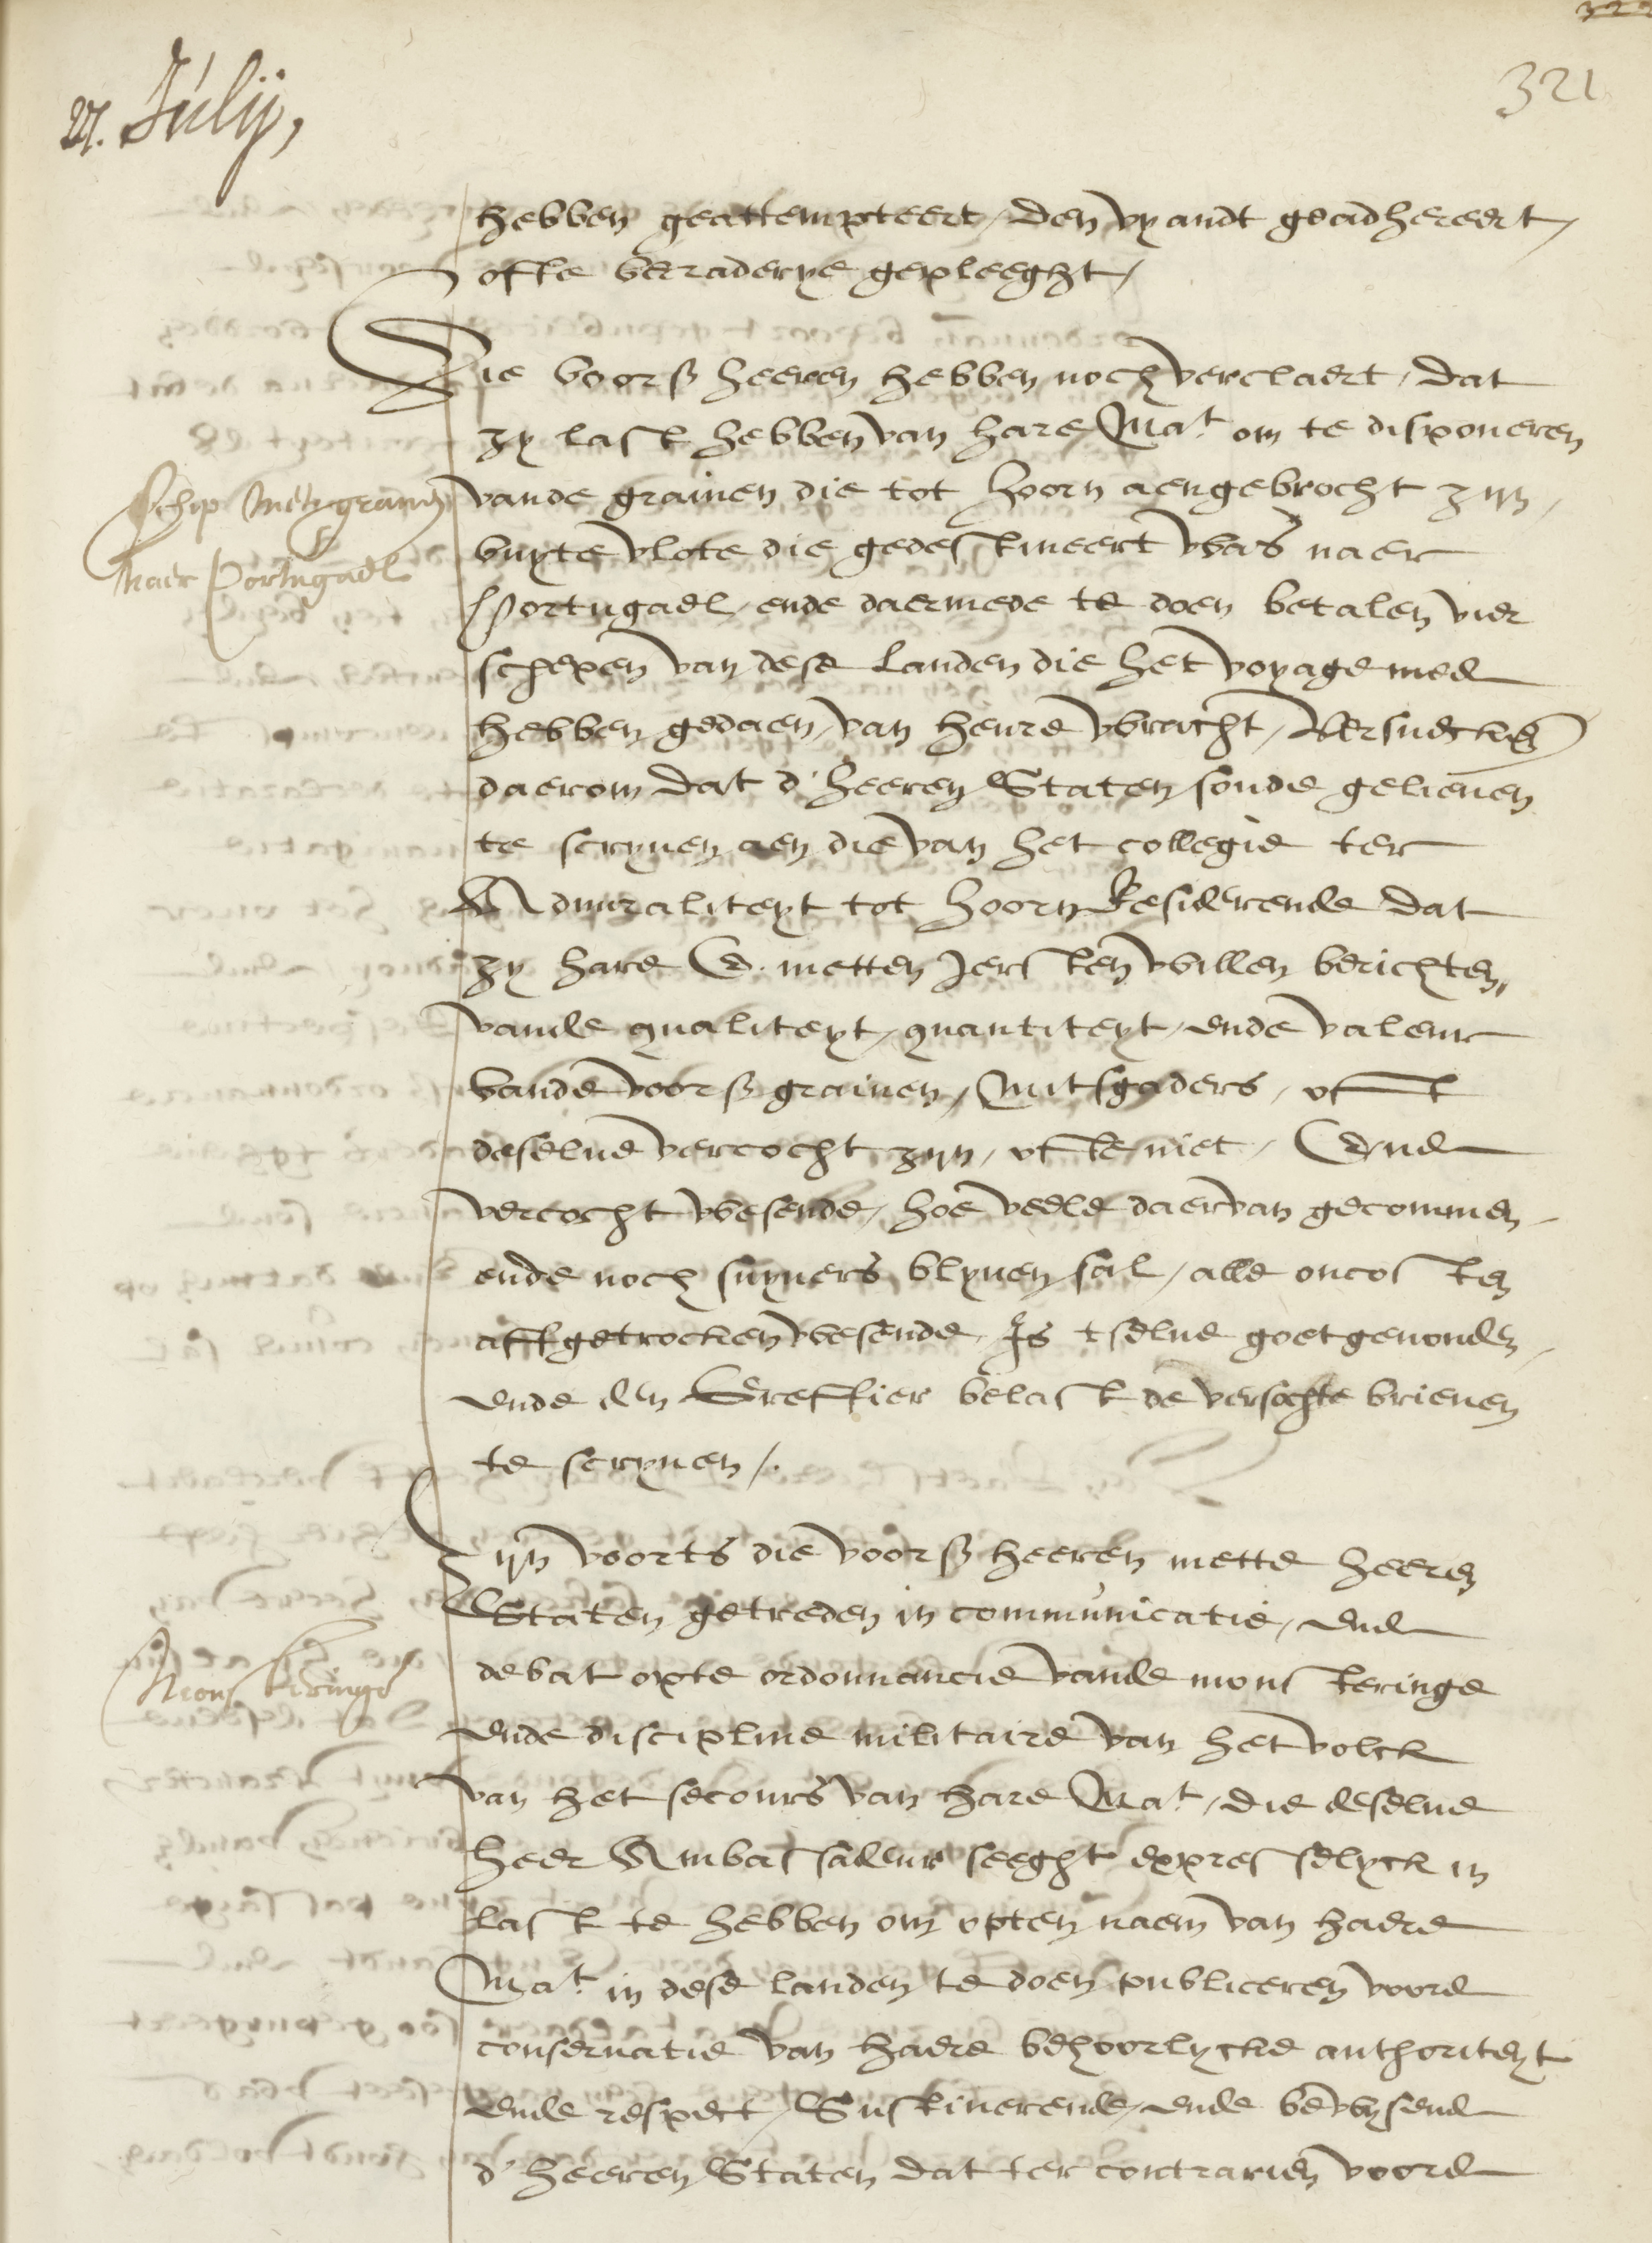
321
27. Julij,
Schip met granen
naer Portugael
monsteringe
hebben geattempteert, den vyandt geadhereert,
ofte verraderye gepleeght.
Die voorsz heeren hebben noch verclaert, dat
zy last hebben van hare Mat. om te disponeren
vande grainen die tot Hoorn aengebrocht zijn,
buyte vlote die gedestineert was naer
Portugael, ende daermede te doen betalen vier
schepen van dese landen die het voyage mede
hebben gedaen, van heure wracht, versuecken
daerom dat d'heeren Staten soude gelieuen
te scryuen aen die van het collegie ter
Admiraliteyt tot Hoorn Residerende dat
zy hare E. metten Iersten willen berichten,
vande qualiteyt, quantiteyt, ende valeur
vande voorsz grainen, mitsgaders, off
deselue vercocht zyn, ofte niet. Ende
vercocht wesende, hoe veele daervan gecommen,
ende noch suyuers blyuen sal, alle oncosten
affgetrocken wesende. Is tselue goetgeuonden,
ende den Greffier belast de versochte brieuen
te scryuen.
Zyn voorts die voorsz heeren mette heeren
Staten getreden in communicatie, ende
debat opte ordonnancie vande monsteringe
ende discipline militaire van het volck
van het secours van hare Mat., die deselue
heer Ambassadeur seeght expresselyck in
last te hebben om opten naem van haere
Mat. in dese landen te doen publiceren voorde
conseruatie van haere behoorlycke authoriteyt
ende respect, Sustinerende, ende bewysende
d'heeren Staten, dat ter contrarien voorde
